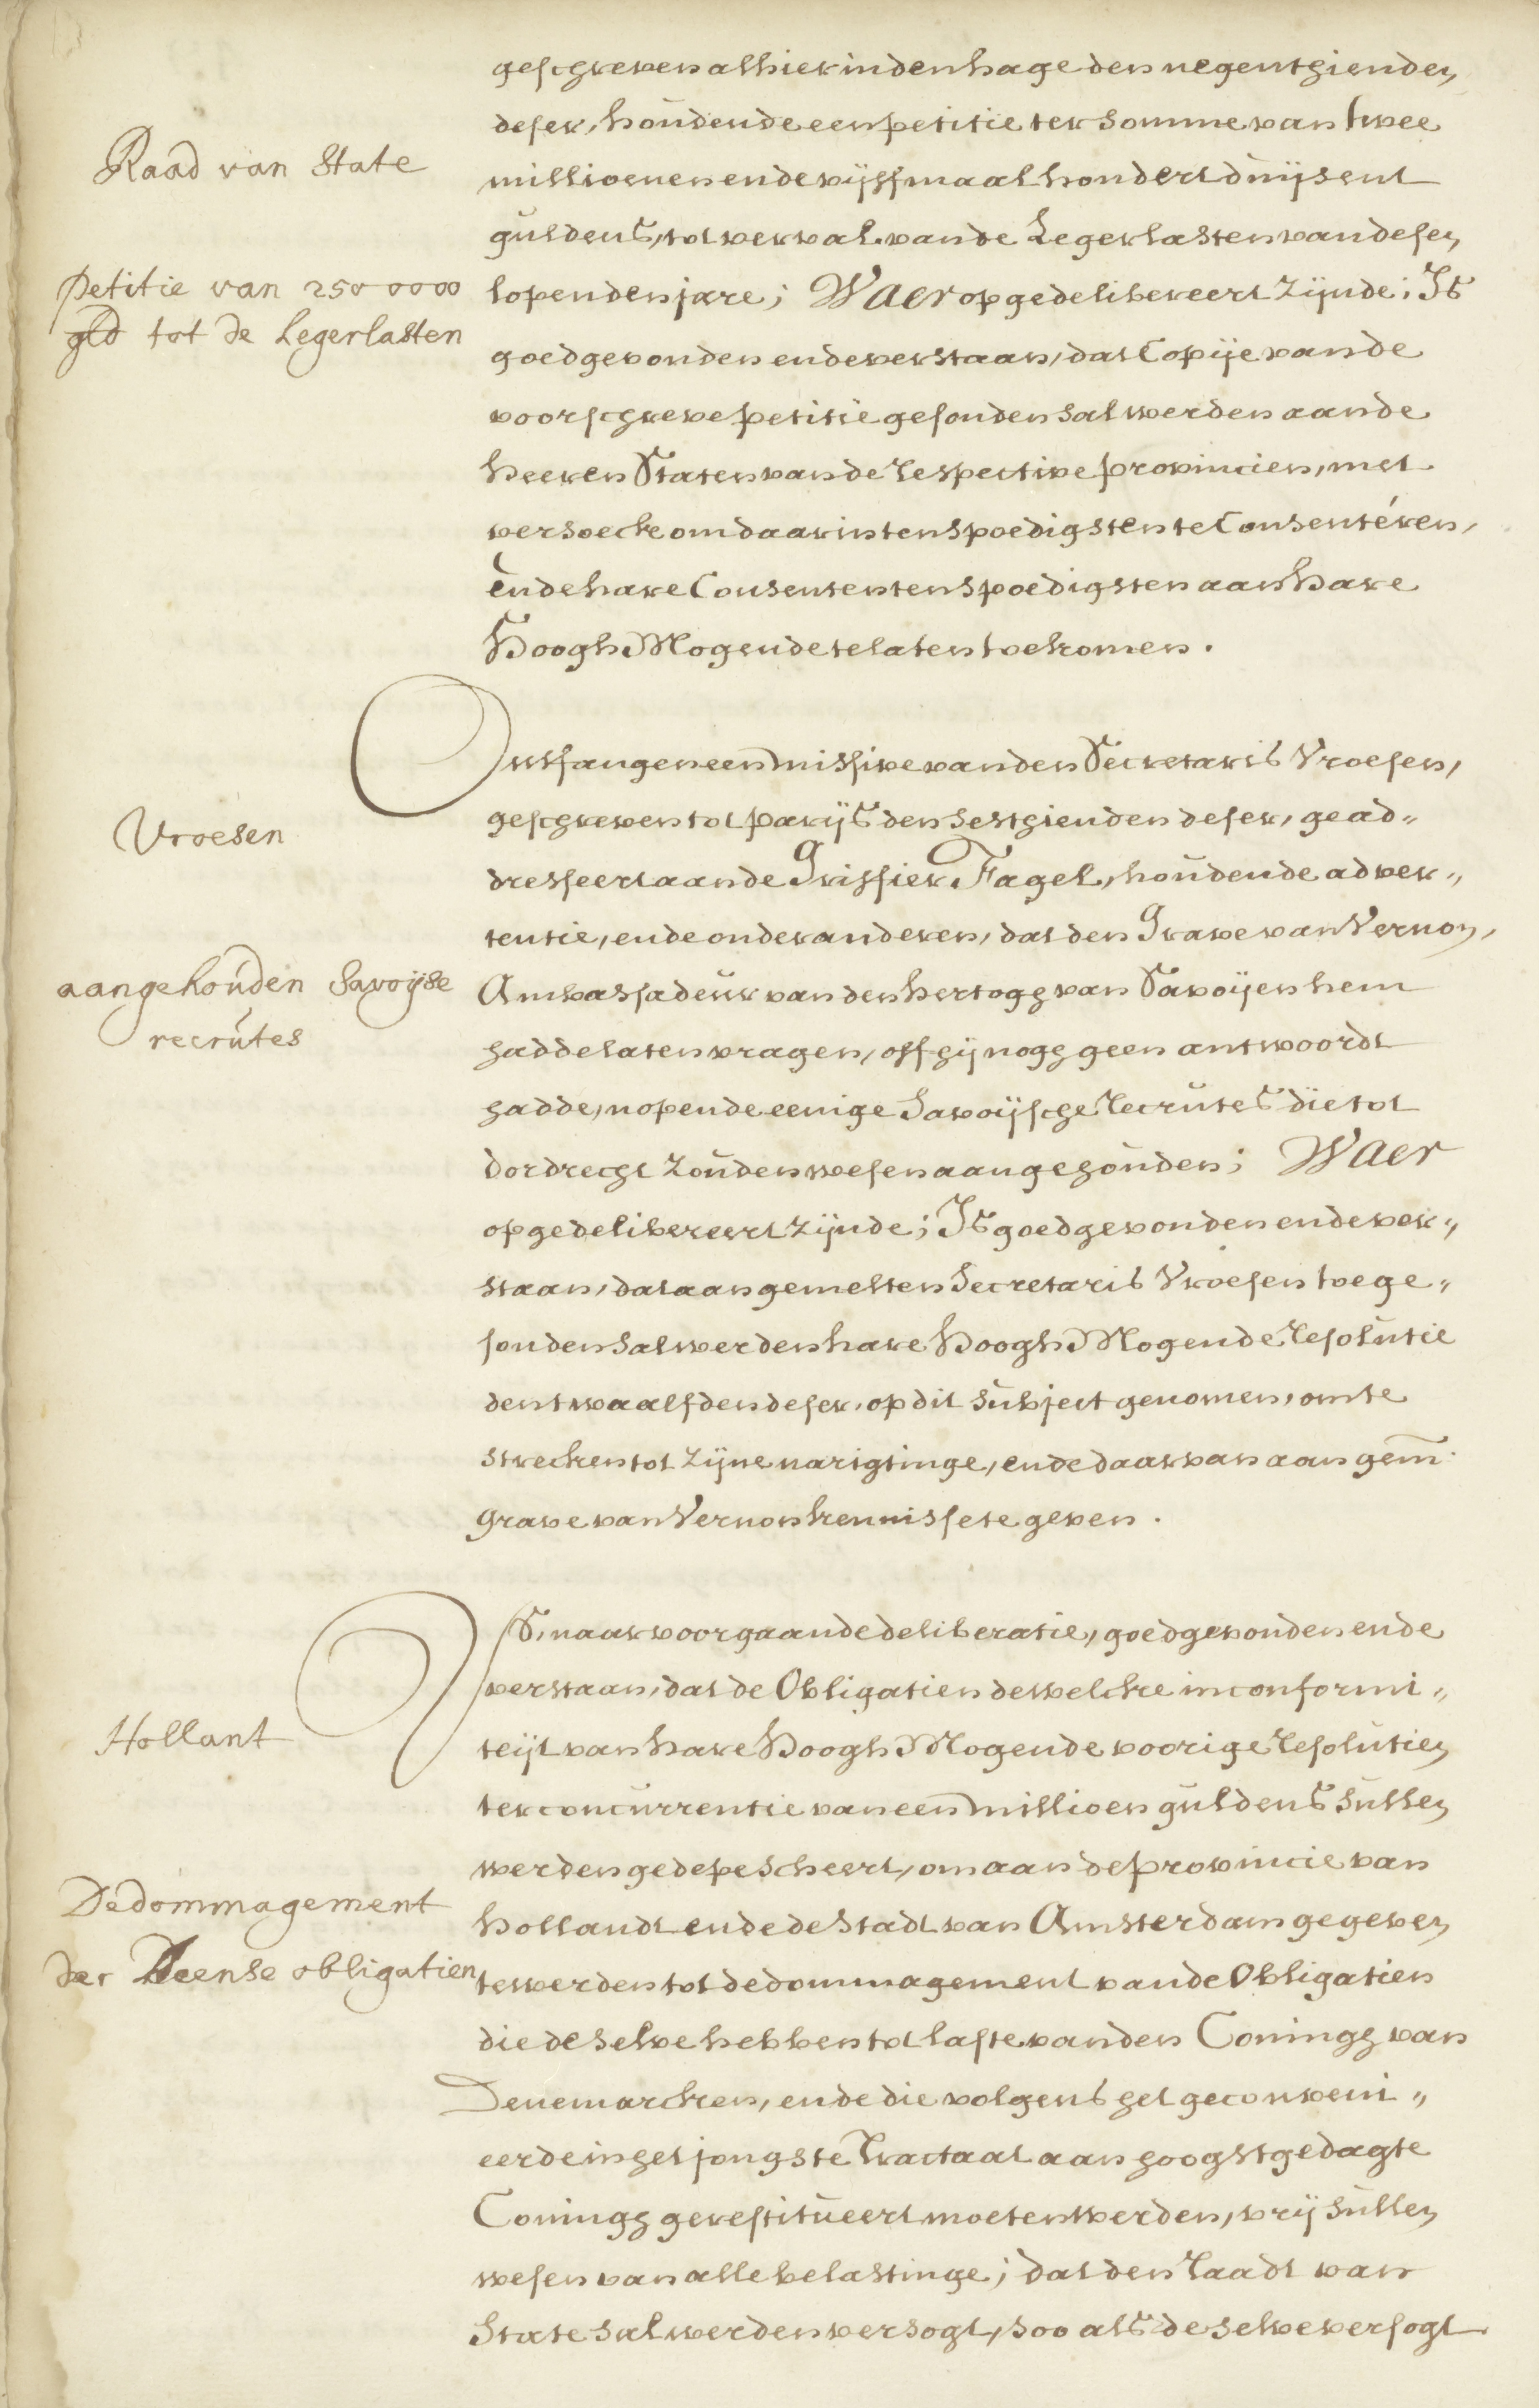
Raad van State
Petitie van 2500000
gld tot de Legerlasten
geschreven alhier inden Hage den negenthienden
deser, houdende een petitie ter somme van twee
millioenen ende vijffmaal hondert duijsent
guldens, tot verval vande legerlasten van desen
lopenden jare; Waerop gedelibereert zijnde, is
goedgevonden ende verstaan, dat copije van de
voorschreve petitie gesonden sal werden aan de
heeren Staten van de respective provincien, met
versoeck om daarin ten spoedigsten te consenteren,
ende hare consenten ten spoedigsten aan hare
Hoogh Mogende te laten toekomen.
Vroesen
aangehouden Savoijse
recrutes
Ontfangen een missive vanden Secretaris Vroesen,
geschreven tot Parijs den sesthienden deser, gead„
dresseert aande Griffier Fagel, houdende adver„,
tentie, ende onder anderen, dat den Grave van Vernon,
Ambassadeur van den Hertogh van Savoijen hem
hadde laten vragen, off hij nogh geen antwoordt
hadde, nopende eenige Savoijsche recrutes die tot
Dordrecht zouden wesen aangehouden: Waer
op gedelibereert zijnde; is goedgevonden ende ver„
staan, dat aan gemelten secretaris Vroesen toege„
sonden sal werden hare Hoogh Mogende resolutie
den twaalfden deser, op dit subject genomen, om te
strecken tot zijne narigtinge, ende daarvan aan gem.
grave van Vernon kennisse te geven.
Hollant
Dedommagement
der Deense obligatien
Is naar voorgaande deliberatie, goedgevonden ende
verstaan, dat de Obligatien dewelcke in conformi„
teijt van hare Hoogh Mogende voorige resolutien
ter concurrentie van een millioen guldens sullen
werden gedepescheert, om aan de provincie van
Hollandt ende de stadt van Amsterdam gegeven
te werden tot dedommagement vande obligatien
die deselve hebben tot laste vanden Coningh van
Denemarcken, ende die volgens het geconveni„
eerde in het jongste Tractaat aan hoogstgedagte
Coningh gerestitueert moeten werden, vrij sullen
wesen van alle belastinge, dat den raadt van
State sal werden versogt, soo als deselve versogt
